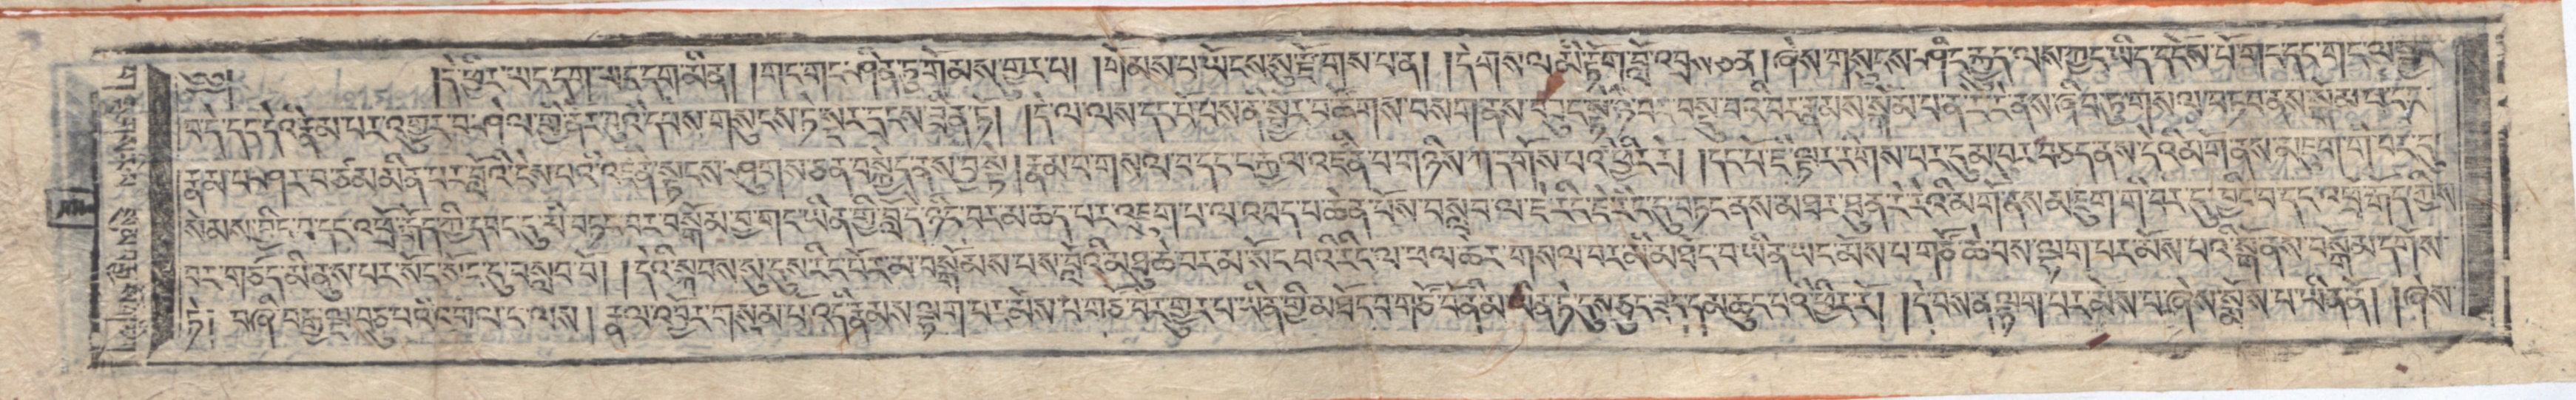༄༅། །དེ་ཕྱིར་ཡང་དག་ཡང་དག་མིན། །གང་གང་ཤིན་ཏུ་གོམས་གྱུར་པ། །གོམས་པ་ཡོངས་སུ་རྫོགས་པ་ན། །དེ་གསལ་མི་རྟོག་བློ་འབྲས་ཅན། ཞེས་གསུངས་ཤིང་རྒྱུད་ལས་ཀྱང་ཡིད་དངོས་པོ་གང་དང་གང་ལ་སྦྱར་
བ་དེ་དང་དེའི་རྣམ་པར་འགྱུར་བ་ཤེལ་གྱི་ནོར་བུའི་དཔེས་གསུངས་ཏེ་སྔར་དྲངས་ཟིན་ཏོ། །དེ་ལ་ལས་དང་པོ་པས་ནི་སྦྱོར་བ་ཚོགས་བསག་ནས་བཟུང་སྟེ་ཉེ་བར་བསྡུ་བའི་བར་རྣམས་སྒོམ་པ་ན་རེ་རེ་ནས་ཞིབ་ཏུ་གསལ་བཏབ་ནས་སྒོམ་པ་དང་
རྣམ་པ་ཤར་བ་ཙམ་མིན་པར་བློའི་ངེས་པའི་འཛིན་སྟངས་ཤུགས་ཅན་བསྐྱེད་ནས་བྱ་སྟེ། རྣམ་པ་གསལ་བ་དང་ང་རྒྱལ་འཛིན་པ་གཉིས་ཀ་དགོས་པའི་ཕྱིར་རོ། །དང་པོ་ཇི་ལྟར་རིགས་པར་དུམ་བུར་བཅད་ནས་དེའི་མགོ་ནས་མཇུག་གི་བར་དུ་
སེམས་བྱིང་བ་དང་འཕྲོ་རྒོད་ཀྱི་དབང་དུ་མི་བཏང་བར་བསྒོམ་བྱ་གང་ཡིན་གྱི་བློ་དེ་ཉིད་བར་མ་ཆད་པར་འཇུག་པ་ལ་འབད་པ་ཆེན་པོས་བསླབ་ལ་ཇེ་རིང་ཇེ་རིང་དུ་བཏང་ནས་མཐར་ཐུན་རེ་རེའི་མགོ་ནས་མཇུག་གི་བར་དུ་བྱིང་བ་དང་འཕྲོ་རྒོད་ཀྱིས་
བར་གཅོད་མི་ནུས་པར་སོང་སོང་དུ་བསླབ་བོ། །དེའི་སྐབས་སུ་དུས་རིང་པོར་མ་བསྒོམས་པས་བློའི་མཐུ་ཆེ་བར་མ་སོང་བའི་རིང་ལ་ཕལ་ཆེར་གསལ་བར་མི་མཐོང་བ་ཡིན་ཡང་མོས་པ་གཙོ་ཆེ་བས་ལྷག་པར་མོས་པའི་སྒོ་ནས་བསྒོམ་དགོས་
ཏེ། བཞི་བརྒྱ་ལྔ་བཅུ་པའི་འགྲེལ་པ་ལས། རྣལ་འབྱོར་གསུམ་པོ་འདི་རྣམས་ལྷག་པར་མོས་པ་གཙོ་བོར་གྱུར་པ་ཡིན་གྱི་མཐོང་བ་གཙོ་བོ་ནི་མ་ཡིན་ཏེ་དུས་ཅུང་ཟད་དམ་ཆུང་པའི་ཕྱིར་རོ། །དེ་བས་ན་ལྷག་པར་མོས་པ་ཞེས་སྨོས་པ་ཡིན་ནོ། །ཞེས་